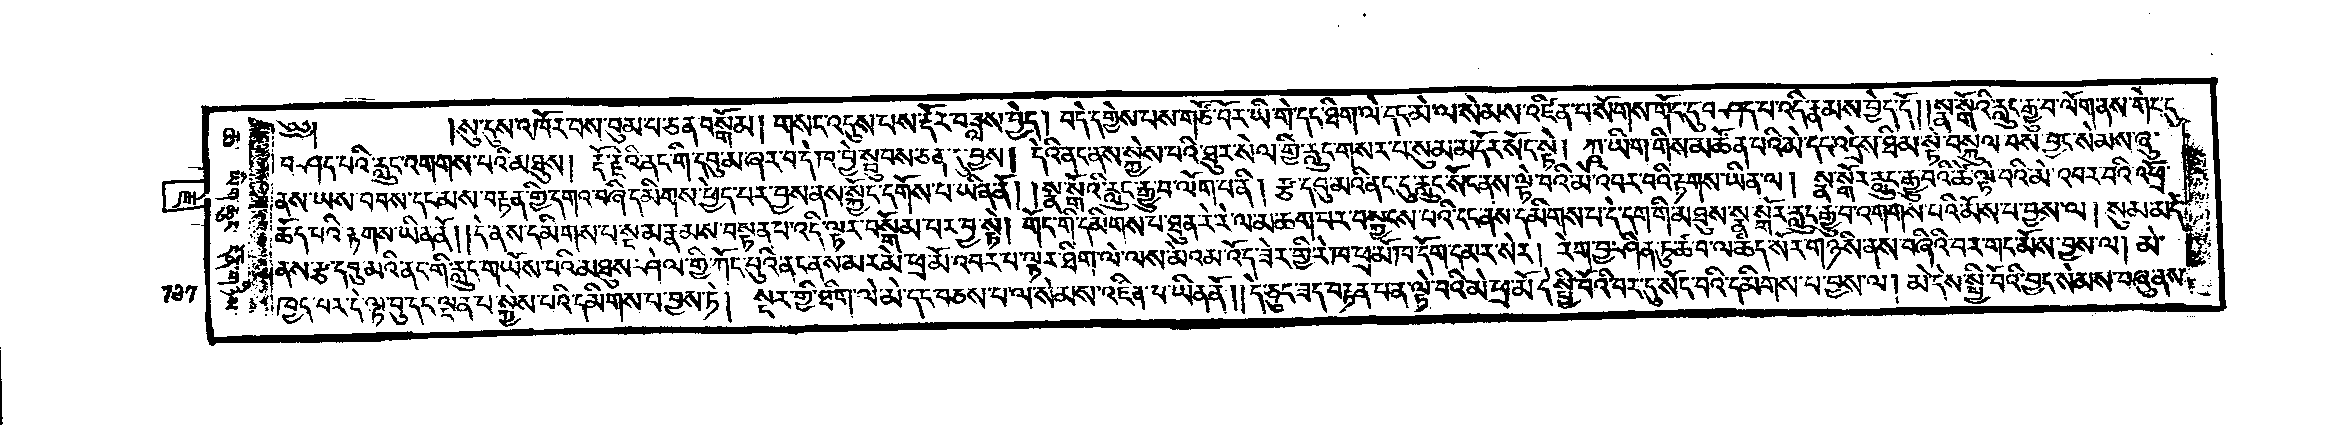༄༅། །སུ་དུས་འཁོར་བས་བུམ་པ་ཅན་བསྒོམ། གསང་འདུས་པས་རྡོར་བཟླས་བྱེད། བདེ་དགྱེས་པས་གཙོ་བོར་ཡི་གེ་དང་ཐིག་ལེ་དང་མེ་ལ་སེམས་འཛིན་པ་སོགས་གོང་དུ་བཤད་པ་འདི་རྣམས་བྱེད་དོ། །སྣ་སྒོའི་རླུང་རྒྱུ་བ་ལོག་ནས་གོང་དུ་
བཤད་པའི་རླུང་འགགས་པའི་མཐུས། རྡོ་རྗེའི་ནང་གི་དབུ་མ་ཞར་བ་དེ་ཁ་བྱེ་སྦུབས་ཅན་དུ་བྱས། དེའི་ནང་ནས་སྐྱེས་པའི་ཐུར་སེལ་གྱི་རླུང་གསར་པ་སུམ་མདོར་སོང་སྟེ། ཀྵ་ཡིག་གིས་མཚོན་པའི་མེ་དང་འདྲེས་ཐིམ་སྟེ་བསྐུལ་བས་བྱང་སེམས་ཞུ་
ནས་ཡས་བབས་དང་མས་བརྟན་གྱི་དགའ་བཞི་དམིགས་ཕྱེད་པར་བྱས་ནས་སྐྱོང་དགོས་པ་ཡིན་ནོ། །སྣ་སྒོའི་རླུང་རྒྱུ་བ་ལོག་པ་ནི། རྩ་དབུ་མའི་ནང་དུ་རླུང་སོང་ནས་ལྟེ་བའི་མེ་འབར་བའི་རྟགས་ཡིན་ལ། སྣ་སྒོར་རླུང་རྒྱུ་བའི་ཚེ་ལྟེ་བའི་མེ་འབར་བའི་འཕྲོ་
ཆོད་པའི་རྟགས་ཡིན་ནོ། །དེ་ནས་དམིགས་པ་སྔ་མ་རྣམས་བསྟན་པ་འདི་ལྟར་བསྒོམ་པར་བྱ་སྟེ། གོང་གི་དམིགས་པ་ཐུན་རེ་རེ་ལ་མ་ཆག་པར་བསྐྱངས་པའི་ངང་ནས་དམིགས་པ་དེ་དག་གི་མཐུས་སྣ་སྒོར་རླུང་རྒྱུ་བ་འགགས་པའི་མོས་པ་བྱས་ལ། སུམ་མདོ་
ནས་རྩ་དབུ་མའི་ནང་གི་རླུང་གཡོས་པའི་མཐུས་ཤེལ་གྱི་ཀོང་བུའི་ནང་ནས་མར་མེ་ཕྲ་མོ་འབར་བ་ལྟར་ཐིག་ལེ་ལས་མེའམ་འོད་ཟེར་གྱི་རེ་ཁ་ཕྲ་མོ་ཁ་དོག་དམར་སེར། རེག་བྱ་ཤིན་ཏུ་ཚ་བ་ལ་ཚད་སོར་གཉིས་ནས་བཞིའི་བར་གང་མོས་བྱས་ལ། མེ་
ཁྱད་པར་དེ་ལྟ་བུ་དང་ལྡན་པ་སྐྱེས་པའི་དམིགས་པ་བྱས་ཏེ། སྔར་གྱི་ཐིག་ལེ་མེ་དང་བཅས་པ་ལ་སེམས་འཛིན་པ་ཡིན་ནོ། །དེ་ཅུང་ཟད་བརྟན་པ་ན་ལྟེ་བའི་མེ་ཕྲ་མོ་དེ་སྤྱི་བོའི་བར་དུ་སོང་བའི་དམིགས་པ་བྱས་ལ། མེ་དེས་སྤྱི་བོའི་བྱང་སེམས་བཞུ་ནས་